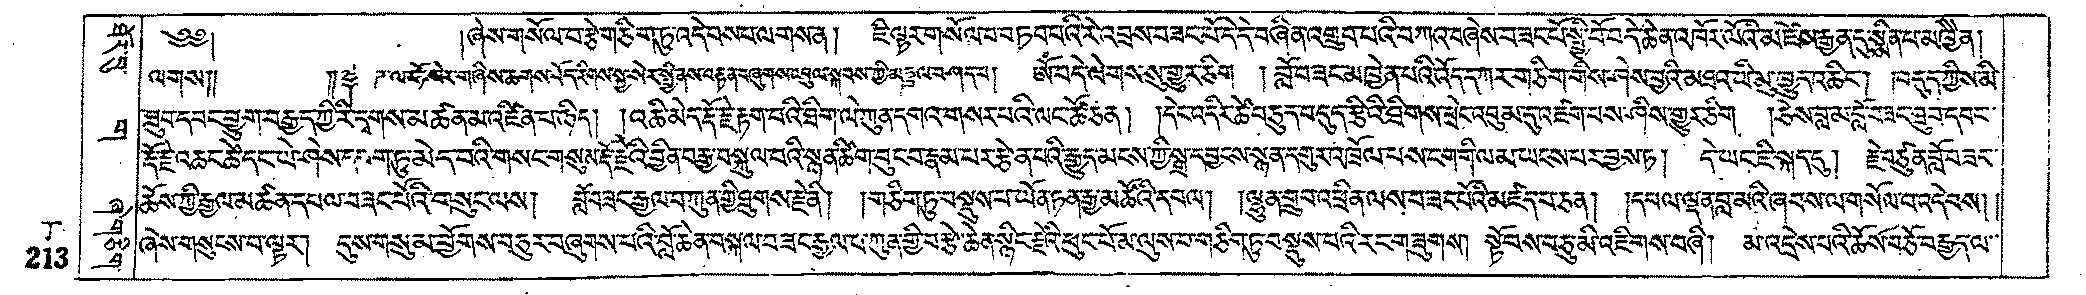༄༅། །ཞེས་གསོལ་བ་རྩེ་གཅིག་ཏུ་འདེབས་པ་ལགས་ན། ཇི་ལྟར་གསོལ་བ་བཏབ་པའི་རེ་འབྲས་བཟང་པོ་དེ་དེ་བཞིན་འགྲུབ་པའི་བཀའ་བཞེས་བཟང་པོ་སྤྱི་བོ་བདེ་ཆེན་འཁོར་ལོའི་མཛེས་རྒྱན་དུ་སྨིན་པ་མཁྱཻཨེན།
ལགས།། །། འ་ཌ་ལ་ཧོ་སེར་གཞིས་ཆགས་བོད་རིགས་སྐྱ་སེར་སྤྱི་ནས་བརྟན་བཞུགས་འབུལ་སྐབས་ཀྱི་མཎྜལ་བཤད་པ།  ཨོཾ་བདེ་ལེགས་སུ་གྱུར་ཅིག །བློ་བཟང་མཁྱེན་པའི་འོད་དཀར་གཅིག་གིས་ཤེས་བྱའི་མཐའ་ཡི་མུ་ཁྱུད་འཆིང་། །བདུད་ཀྱིས་མི་
ཐུབ་དབང་ཕྱུག་བརྒྱད་ཀྱི་རི་དྭགས་མཚན་མ་འཛིན་པ་ཉིད། །འཆི་མེད་རྡོ་རྗེ་རྟག་པའི་ཐིག་ལེ་ཀུན་དགའ་གསར་པའི་ལང་ཚོ་ཅན། །དེང་འདིར་ཚེ་བཅུད་བདུད་རྩིའི་ཐིགས་ཕྲེང་འབུམ་དུ་འཛག་པས་ཤིས་གྱུར་ཅིག །ཅེས་བླ་མ་བློ་བཟང་ཐུབ་དབང་
རྡོ་རྗེ་འཆང་ཚེ་དང་ཡེ་ཤེས་དབག་ཏུ་མེད་པའི་གསང་གསུམ་རྡོ་རྗེའི་བྱིན་བརྒྱ་བསྐུལ་བའི་སྙན་ཚིག་བུང་བ་རྣམ་པར་རྩེན་པའི་རྒྱུད་མངས་ཀྱི་སྒྲ་དབྱངས་སྙན་དགུར་འཁྲོལ་པས་ངག་གི་ལམ་ཡངས་པར་བྱས་ཏ། དེ་ཡང་ཇི་སྐད་དུ། རྗེ་བཙུན་བློ་བཟང་་་
ཆོས་ཀྱི་རྒྱལ་མཚན་དཔལ་བཟང་པོའི་གསུང་ལས། བློ་བཟང་རྒྱལ་བ་ཀུན་གྱི་ཐུགས་རྗེ་ནི། །གཅིག་ཏུ་བསྡུས་པ་ཡོན་ཏན་རྒྱ་མཚོའི་དཔལ། །ལྷུན་གྲུབ་འཕྲིན་ལས་བཟང་པོའི་མཛད་པ་ཅན། །དཔལ་ལྡན་བླ་མའི་ཞབས་ལ་གསོལ་བ་འདེབས།
ཞེས་གསུངས་པ་ལྟར། དུས་གསུམ་ཕྱོགས་བཅུར་བཞུགས་པའི་བློ་ཆེན་བསྐལ་བཟང་རྒྱལ་བ་ཀུན་གྱི་བརྩེ་ཆེན་སྙིང་རྗེའི་ཕུང་པོ་མ་ལུས་པ་གཅིག་ཏུ་བསྡུས་པའི་རང་གཟུགས། སྟོབས་བཅུ་མི་འཇིགས་བཞི། མ་འདྲེས་པའི་ཆོས་བཅོ་བརྒྱད་ལ་་་